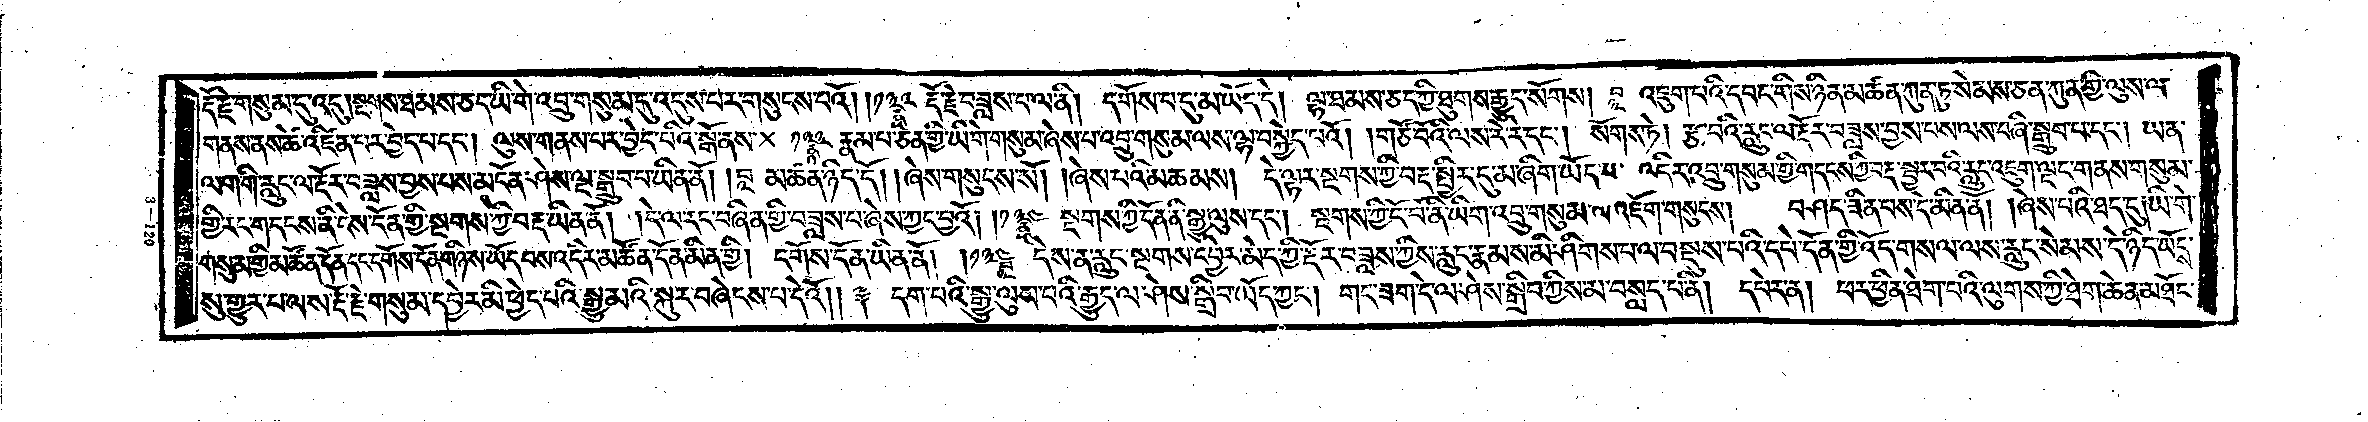རྡོ་རྗེ་གསུམ་དུ་འདུ། སྔགས་ཐམས་ཅད་ཡི་གེ་འབྲུ་གསུམ་དུ་འདུས་པར་གསུངས་པའོ། །༡༣༢་རྡོ་རྗེ་བཟླས་པ་ལ་ནི། དགོས་པ་དུ་མ་ཡོད་དེ། ལྷ་ཐམས་ཅད་ཀྱི་ཐུགས་རྒྱུད་སོགས། བ་འཇུག་པའི་དབང་གིས་ཉིན་མཚན་ཀུན་ཏུ་སེམས་ཅན་ཀུན་གྱི་ལུས་ལ་
གནས་ནས་ཚེ་འཛིན་པར་བྱེད་པ་དང་། ལུས་གནས་པར་བྱེད་པའི་སྒོ་ནས་྾ ༡༣༢་རྣམ་པ་ཅན་གྱི་ཡི་གེ་གསུམ་ཞེས་པ་འབྲུ་གསུམ་ལས་ལྷ་བསྐྱེད་པའོ། །གཙོ་བོའི་ལས་རེ་རེ་དང་། སོགས་ཏེ། རྩ་བའི་རླུང་ལ་རྡོར་བཟླས་བྱས་པས་ལས་བཞི་སྒྲུབ་པ་དང་། ཡན་
ལག་གི་རླུང་ལ་རྡོར་བཟླས་བྱས་པས་མདོན་ཤེས་ལྔ་སྒྲུབ་པ་ཡིན་ནོ། །བ་མཚན་ཉིད་དོ། །ཞེས་གསུངས་སོ། །ཞེས་པའི་མཚམས། དེ་ལྟར་སྔགས་ཀྱི་བརྡ་སྤྱིར་དུ་མ་ཞིག་ཡོད་པ། འདིར་འབྲུ་གསུམ་གྱི་གདངས་ཀྱི་བརྡ་སྦྱར་བའི་རླུང་འཇུག་ལྡང་གནས་གསུམ་
གྱི་རང་གདངས་ནི་ངེས་དོན་གྱི་སྔགས་ཀྱི་བརྡ་ཡིན་ནོ། །དེ་ལ་རང་བཞིན་གྱི་བཟླས་པ་ཞེས་ཀྱང་བྱའོ། །༡༣༤་སྔགས་ཀྱི་དོན་ནི་སྒྱུ་ལུས་དང་། སྔགས་ཀྱི་ངོ་བོ་ནི་ཡིག་འབྲུ་གསུམ་ལ་འཇོག་གསུངས། བཤད་ཟིན་པས་དེ་མིན་ནོ། །ཞེས་པའི་ཐད་དུ། ཡི་གེ་
གསུམ་གྱི་མཚོན་དོན་དང་དགོས་དོན་གཉིས་ཡོད་པས་འདིར་མཚོན་དོན་མིན་གྱི། དགོས་དོན་ཡིན་ནོ། །༡༣༤་དེས་ན་རླུང་སྔགས་དབྱེར་མེད་ཀྱི་རྡོར་བཟླས་ཀྱིས་རླུང་རྣམས་མི་ཤིགས་པ་ལ་བསྡུས་པའི་དཔེ་དོན་གྱི་འོད་གསལ་ལས་རླུང་སེམས་དེ་ཉིད་ཡོངས་
སུ་གྱུར་པ་ལས་རྡོ་རྗེ་གསུམ་དབྱེར་མི་བྱེད་པའི་སྒྱུ་མའི་སྐུར་བཞེངས་པ་དེའོ། །༈ དག་བའི་སྒྱུ་ལུས་བའི་རྒྱུད་ལ་ཤེས་སྒྲིབ་ཡོད་ཀྱང་། གང་ཟག་དེ་ལ་ཤེས་སྒྲིབ་ཀྱིས་མ་བསླད་པ་ནི། དཔེར་ན། ཕར་ཕྱིན་ཐེག་པའི་ལུགས་ཀྱི་ཐེག་ཆེན་མཐོང་